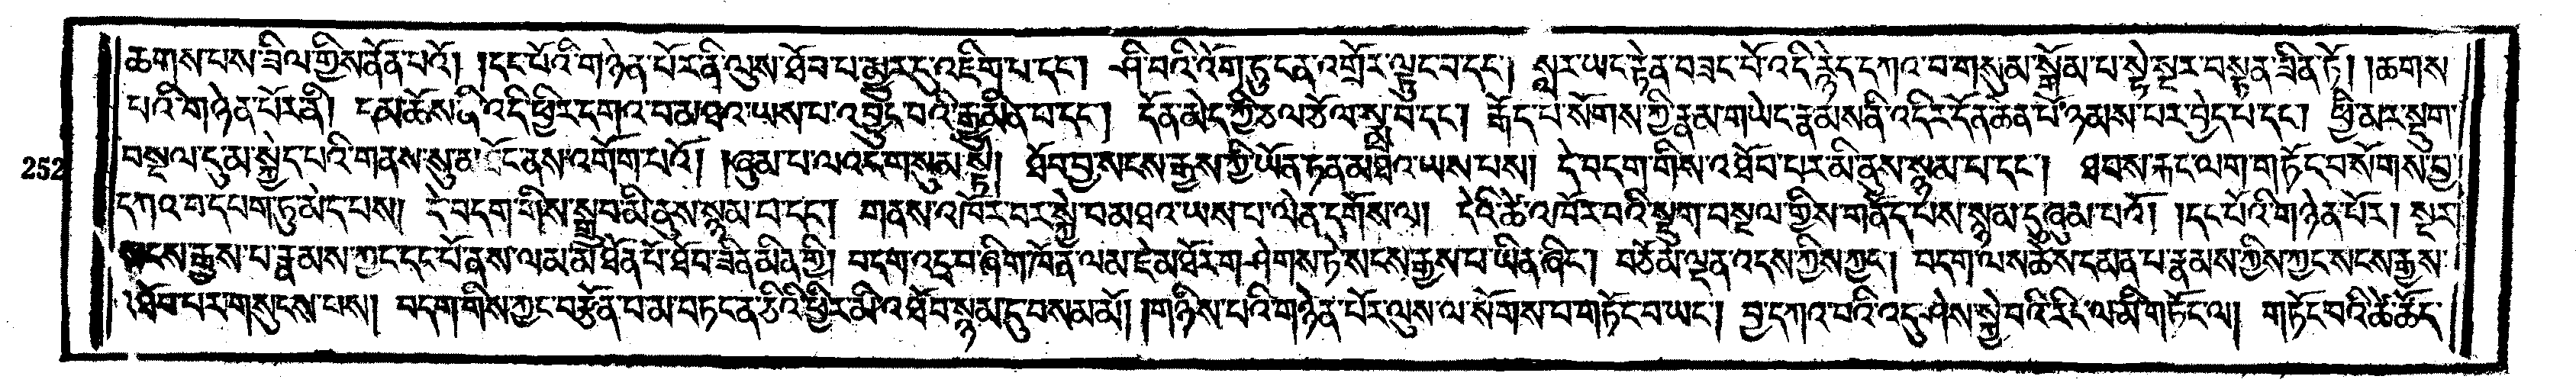ཆགས་པས་ཟིལ་གྱིས་ནོན་པའོ། །དང་པོའི་གཉེན་པོར་ནི་ལུས་ཐོབ་པ་མྱུར་དུ་འཇིག་པ་དང་།ཤི་བའི་འོག་ཏུ་ངན་འགྲོར་ལྟུང་བ་དང་།སླར་ཡང་རྟེན་བཟང་པོ་འདི་རྙེད་དཀའ་བ་གསུམ་སྒོམ་པ་སྟེ་སྔར་ཟིན་ཏོ། །ཆགས་
པའི་གཉེན་པོར་ནི། དམ་ཆོས་ནི་འདི་ཕྱིར་དགའ་བ་མཐའ་ཡས་པ་འབྱུང་བའི་རྒྱུ་མིན་པ་དང་། དོན་མེད་ཀྱི་ཅལ་ཅོལ་སྨྲ་བ་དང་། རྒོད་པ་སོགས་ཀྱི་རྣམ་གཡེང་རྣམས་ནི་འདིར་དོན་ཆེན་པོ་ཉམས་པར་བྱེད་པ་དང་། ཕྱི་མར་སྡུག་
བསྔལ་དུ་མ་སྐྱེད་པའི་གནས་སུ་མཐོང་ནས་འགོག་པའོ། །ཞུམ་པ་ལའང་གསུམ་སྟེ། ཐོབ་བྱ་སངས་རྒྱས་ཀྱི་ཡོན་ཏན་མཐའ་ཡས་པས། དེ་བདག་གིས་འཐོབ་པར་མི་ནུས་སྙམ་པ་དང་། ཐབས་རྐང་ལག་གཏོང་བ་སོགས་བྱ་
དཀའ་བ་དཔག་ཏུ་མེད་པས། དེ་བདག་གིས་སྒྲུབ་མི་ནུས་སྙམ་པ་དང་། གནས་འཁོར་བར་སྐྱེ་བ་མཐའ་ཡས་པ་ལེན་དགོས་ལ། དེའི་ཚེ་འཁོར་བའི་སྡུག་བསྔལ་གྱིས་གནོད་པས་སྙམ་དུ་ཞུམ་པའོ། །དང་པོའི་གཉེན་པོར། སྔར་
སངས་རྒྱས་པ་རྣམས་ཀྱང་དང་པོ་ནས་ལམ་མཐོན་པོ་ཐོབ་ཟིན་མིན་གྱི། བདག་འདྲྭ་བ་ཞིག་ཁོ་ན་ལམ་ཇེ་མཐོར་གཤེགས་ཏེ་སངས་རྒྱས་པ་ཡིན་ཞིང་། བཅོམ་ལྡན་འདས་ཀྱིས་ཀྱང་། བདག་ལས་ཆེས་དམན་པ་རྣམས་ཀྱིས་ཀྱང་སངས་རྒྱས་
འཐོབ་པར་གསུངས་པས། བདག་གིས་ཀྱང་བརྩོན་པ་མ་བཏང་ན་ཅིའི་ཕྱིར་མི་འཐོབ་སྙམ་དུ་བསམ་མོ། །གཉིས་པའི་གཉེན་པོར་ལུས་ལ་སོགས་པ་གཏོང་བ་ཡང་། བྱ་དཀའ་པའི་འདུ་ཤེས་སྐྱེ་བའི་རིང་ལ་མི་གཏོང་ལ། གཏོང་བའི་ཚེ་ཚོད་